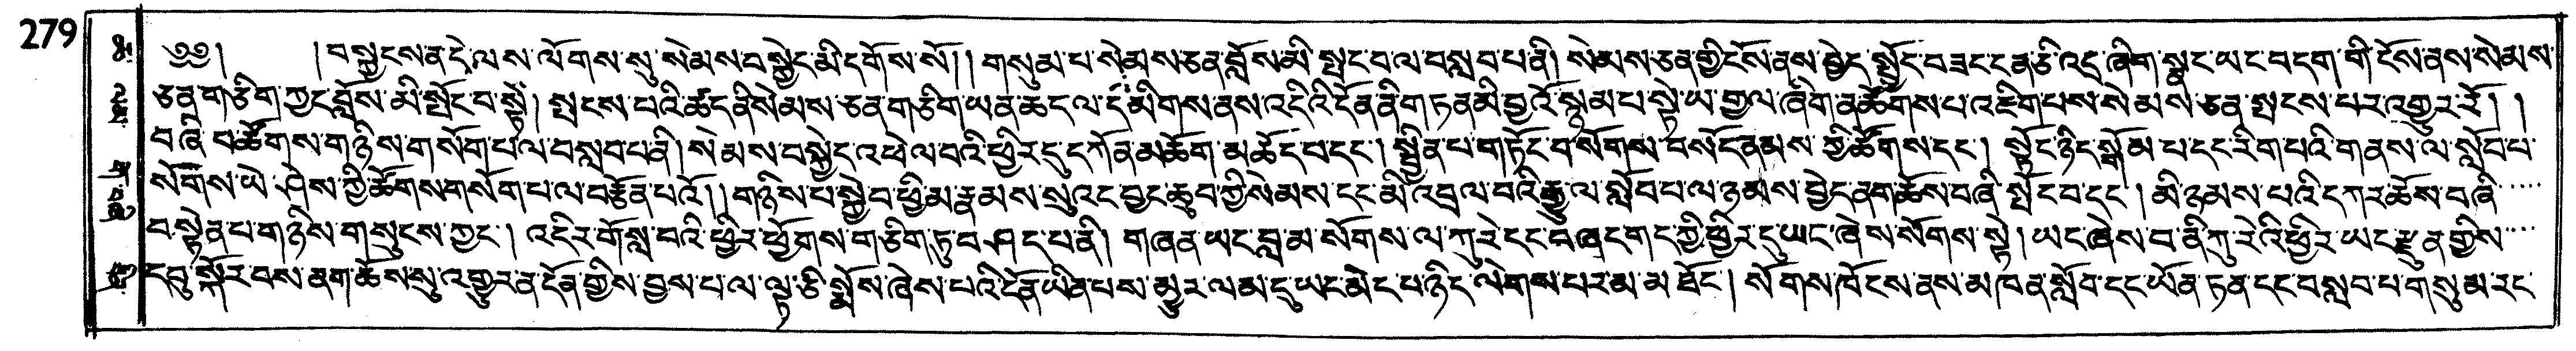༄༅། །བསྐྱངས་ན་དེ་ལས་ལོགས་སུ་སེམས་བསྐྱེད་མི་དགོས་སོ། །གསུམ་པ་སེམས་ཅན་བློས་མི་སྤང་བ་ལ་བསླབ་པ་ནི། སེམས་ཅན་གྱི་ངོས་ནས་བྱེད་སྤྱོད་བཟང་ངན་ཅི་འདྲ་ཞིག་སྣང་ཡང་བདག་གི་ངོས་ནས་སེམས་
ཅན་གཅིག་ཀྱང་བློས་མི་སྤོང་བ་སྟེ། སྤངས་པའི་ཚད་ནི་སེམས་ཅན་གཅིག་ཡན་ཆད་ལ་དམིགས་ནས་འདིའི་དོན་ནི་གཏན་མི་བྱའོ་སྙམ་པ་སྟེ་ཡ་གྱལ་ཞིག་ན་ཚོགས་པ་འཇིག་པས་སེམས་ཅན་སྤངས་པར་འགྱུར་རོ། །
བཞི་བ་ཚོགས་གཉིས་གསོག་པ་ལ་བསླབ་པ་ནི། སེམས་བསྐྱེད་འཕེལ་བའི་ཕྱིར་དུ་དཀོན་མཆོག་མཆོད་པ་དང་། སྦྱིན་པ་གཏོང་བ་སོགས་བསོད་ནམས་ཀྱི་ཚོགས་དང་། སྟོང་ཉིད་སྒོམ་པ་དང་རིག་པའི་གནས་ལ་སློབ་པ་
སོགས་ཡེ་ཤེས་ཀྱི་ཚོགས་གསོག་པ་ལ་བརྩོན་པའོ། །གཉིས་པ་སྐྱེ་བ་ཕྱི་མ་རྣམས་སུའང་བྱང་ཆུབ་ཀྱི་སེམས་དང་མི་འབྲལ་བའི་རྒྱུ་ལ་སློབ་པ་ལ་ཉམས་བྱེད་ནག་ཆོས་བཞི་སྤོང་བ་དང་། མི་ཉམས་པའི་དཀར་ཆོས་བཞི་
བསྟེན་པ་གཉིས་གསུངས་ཀྱང་། འདིར་གོ་སླ་བའི་ཕྱིར་ཕྱོགས་གཅིག་ཏུ་བཤད་པ་ནི། གཞན་ཡང་བླ་མ་སོགས་ལ་ཀུ་རེ་དང་བཞད་གད་ཀྱི་ཕྱིར་དུ་ཡང་ཞེས་སོགས་སྟེ། ཡང་ཞེས་བ་ནི་ཀུ་རེའི་ཕྱིར་ཡང་རྫུན་གྱིས་
དབུ་སྐོར་བས་ནག་ཆོས་སུ་འགྱུར་ན་དོན་གྱིས་བྱས་པ་ལ་ལྟ་ཅི་སྨོས་ཞེས་པའི་དོན་ཡིན་པས་མྱུར་ལམ་དུ་ཡང་མེད་པ་ཉིད་ལེགས་པར་མ་མཐོང་། སོགས་ཁོངས་ནས་མཁན་སློབ་དང་ཡོན་ཏན་དང་བསླབ་པ་གསུམ་རང་